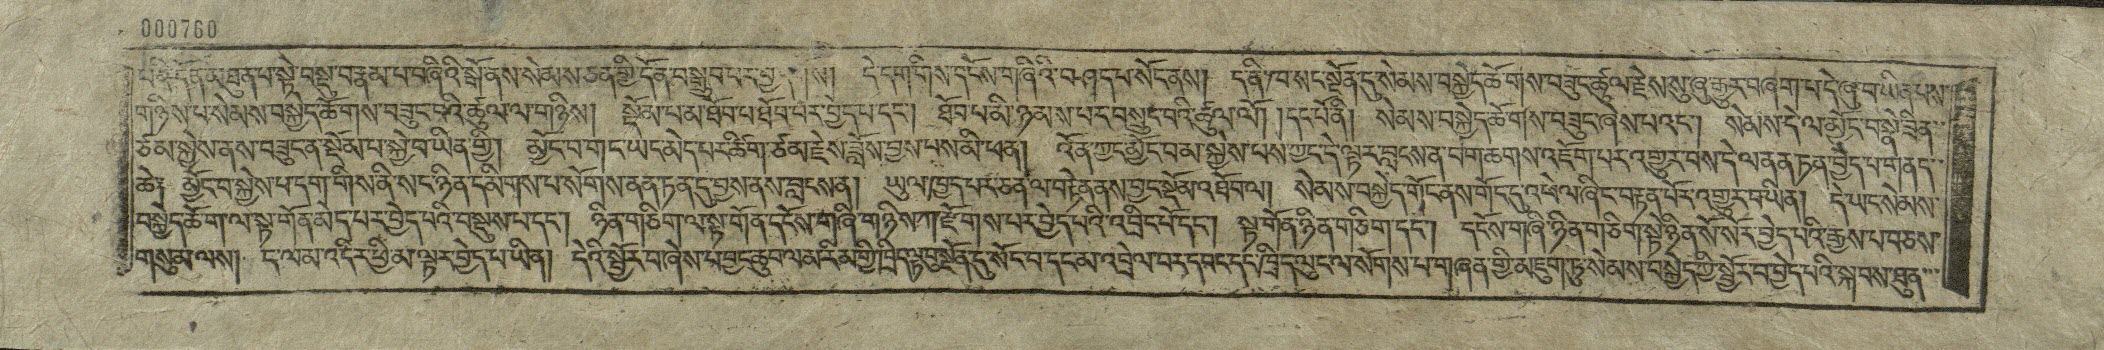པའི་དོན་མཐུན་པ་སྟེ་བསྡུ་བ་རྣམ་པ་བཞིའི་སྒོ་ནས་སེམས་ཅན་གྱི་དོན་བསྒྲུབ་པར་བྱ་དགོས། དེ་དག་གིས་དངོས་གཞིའི་བཤད་པ་སོང་ནས། ད་ནི་ཁ་སང་སྔོན་དུ་སེམས་བསྐྱེད་ཆོ་གས་བཟུང་ཚུལ་རྗེས་སུ་ཞུ་རྒྱུར་བཞག་པ་དེ་ཞུ་བ་ཡིན་པས་
གཉིས་པ་སེམས་བསྐྱེད་ཆོ་གས་བཟུང་བའི་ཚུལ་ལ་གཉིས། སྡོམ་པ་མ་ཐོབ་པ་ཐོབ་པར་བྱེད་པ་དང་། ཐོབ་པ་མི་ཉམས་པར་བསྲུང་བའི་ཚུལ་ལོ། །དང་པོ་ནི། སེམས་བསྐྱེད་ཆོ་གས་བཟུང་ཞེས་པའང་། སེམས་དེ་ལ་མྱོང་བ་སྣེ་ཟིན་
ཙམ་སྐྱེས་ནས་བཟུང་ན་སྡོམ་པ་སྐྱེ་བ་ཡིན་གྱི། མྱོང་བ་གང་ཡང་མེད་པར་ཚིག་ཙམ་རྗེས་ཟློས་བྱས་པས་མི་ཕན། འོན་ཀྱང་མྱོང་བ་མ་སྐྱེས་པས་ཀྱང་དེ་ལྟར་བླངས་ན་བག་ཆགས་འཇོག་པར་འགྱུར་བས་དེ་ལ་ནན་ཏན་བྱེད་པ་གནད་
ཆེ༑ མྱོང་བ་སྐྱེས་པ་དག་གིས་ནི་སང་ཉིན་དམིགས་པ་སོགས་ནན་ཏན་དུ་བྱས་ནས་བླངས་ན། ཡུལ་ཁྱད་པར་ཅན་ལ་བརྟེན་ནས་བྱང་སྡོམ་འཐོབ་ལ། སེམས་བསྐྱེད་གོང་ནས་གོང་དུ་འཕེལ་ཞིང་བརྟན་པོར་འགྱུར་བ་ཡིན། དེ་ཡང་སེམས་
བསྐྱེད་ཆོ་ག་ལ་སྟ་གོན་མེད་པར་བྱེད་པའི་བསྡུས་པ་དང་། ཉིན་གཅིག་ལ་སྟ་གོན་དངོས་གཞི་གཉིས་ཀ་རྫོགས་པར་བྱེད་པའི་འབྲིང་པོ་དང་། སྟ་གོན་ཉིན་གཅིག་དང་། དངོས་གཞི་ཉིན་གཅིག་སྟེ་ཉིན་སོ་སོར་བྱེད་པའི་རྒྱས་པ་བཅས་
གསུམ་ལས། ད་ལམ་འདིར་ཕྱི་མ་ལྟར་བྱེད་པ་ཡིན། དེའི་སྦྱོར་བ་ཞེས་པ་བྱང་ཆུབ་ལམ་རིམ་གྱི་ཁྲིད་ལྟ་བུ་སྔོན་དུ་སོང་བ་དང་མ་འབྲེལ་བར་དབང་དང་ཁྲིད་ལུང་ལ་སོགས་པ་གཞན་གྱི་མཇུག་ཏུ་སེམས་བསྐྱེད་ཀྱི་སྦྱོར་བ་བྱེད་པའི་སྐབས་ཐུན་